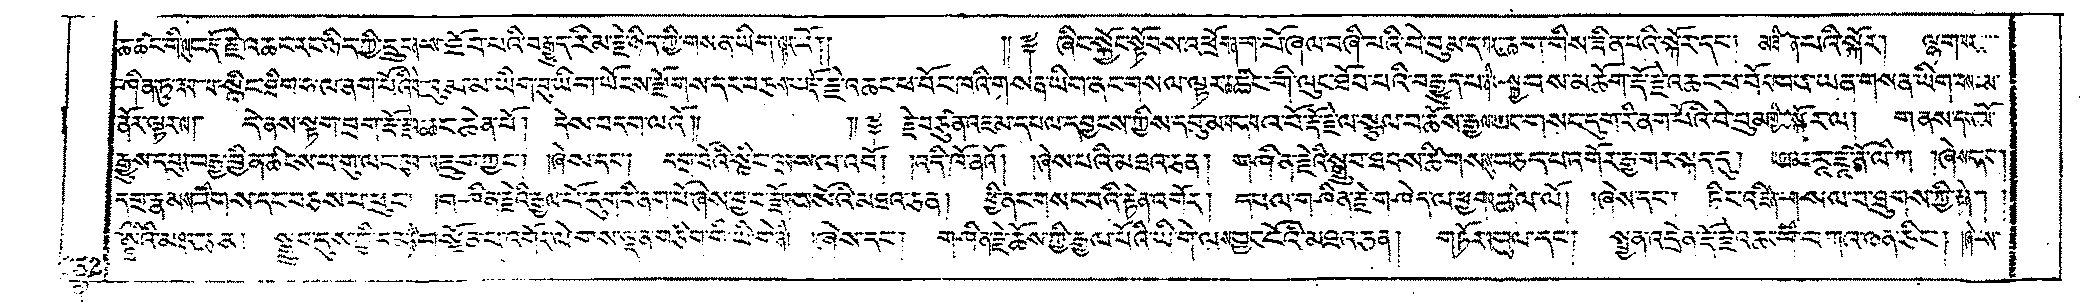ཆ་ཚང་གི་ལུང་རྡོ་རྗེ་འཆང་རང་ཉིད་ཀྱི་དྲུང་ནས་ཐོབ་པའི་བརྒྱུད་རིམ་རྗེ་ཉིད་ཀྱི་གསན་ཡིག་ལྟར་རོ།། །། འ་ཞིང་སྐྱོང་སྟོབས་འཕྲོག་ནག་པོ་ཞལ་བཞི་པའི་བེ་བུམ་དཀར་ཆག་གིས་ཟིན་པའི་སྐོར་དང་། མ་ཟིན་པའི་སྐོར། ལྷག་པར་
ཤིན་ཏུ་ཟབ་པ་སྙིང་ཐིག་ཧ་ལ་ནག་པོའི་བེ་བུམ་མ་ཡིག་བུ་ཡིག་ཡོངས་རྫོགས་དང་བཅས་པ་རྡོ་རྗེ་འཆང་ཕ་བོང་ཁའི་གསན་ཡིག་ནང་གསལ་ལྟར་ཆ་ཚང་གི་ལུང་ཐོབ་པའི་བརྒྱུད་པ་ནི ༧སྐྱབས་མཆོག་རྡོ་རྗེ་འཆང་ཕ་བོང་ཁ་པ་ཡན་གསན་ཡིག་བསམ་
ནོར་ལྟར་ལ། དེ་ནས་སྟག་བྲག་རྡོ་རྗེ་འཆང་ཆེན་པོ། དེས་བདག་ལའོ།། །། འ་རྗེ་བཙུན་འཇམ་དཔལ་དབྱངས་ཀྱིས་དབུ་མ་དཔའ་བོ་རྡོ་རྗེ་ལ་སྩལ་བ་ཆོས་རྒྱལ་ཡང་གསང་དུག་རི་ནག་པོའི་བེ་བུམ་གྱི་སྐོར་ལ། གནས་དང་ལོ་
རྒྱུས་དབུར་བརྒྱ་བྱིན་ཚངས་པ་གུ་ལང་ཁྱབ་འཇུག་ཀྱང་། །ཞེས་དང་། དགྲ་བོའི་སྙིང་ཁྲག་ས་ལ་འབོ། །འདི་ཁོ་ནའོ། །ཞེས་པའི་མཐའ་ཅན། གཤིན་རྗེའི་སྒྲུབ་ཐབས་ཚིགས་སུ་བཅད་པ་འགྲོ་རྒྱ་གར་སྐད་དུ། ཡ་མ་རཱ་ཛཱ་ནོ་ལི་ཀ །ཞེས་དང་།
དགྲ་རྣམས་རིགས་དང་བཅས་པ་ཕུང་། །གཤིན་རྗེའི་རྒྱལ་པོ་དུག་རི་ནག་པོ་ཞེས་བྱ་བ་རྫོགས་སོའི་མཐའ་ཅན། ཕྱི་ནང་གསང་བའི་རྟེན་འགོར། དཔལ་གཤིན་རྗེ་གཤེད་ལ་ཕྱག་འཚལ་ལོ། །ཞེས་དང་། ཏིང་འཛིན་གསལ་བ་ཐུགས་ཀྱི་རྟེན། །
ཨྀཨཐིའི་མཐའ་ཅན། སྒྲུབ་དུས་ཀྱི་དམ་ཚིག་སྟོན་པ་འགོར་ལེགས་ལྡན་གཅིག་གི་ཡི་གེ་ནི། །ཞེས་དང་། གཤིན་རྗེ་ཆོས་ཀྱི་རྒྱལ་པོའི་ཡི་གེ་ལས་བྱང་ངོའི་མཐའ་ཅན། གཏོར་འབུལ་དང་། སྤྱན་འདྲེན་རྡོ་རྗེ་འཆང་གི་བཀའ་ཉན་ཅིང་། །ཞེས་